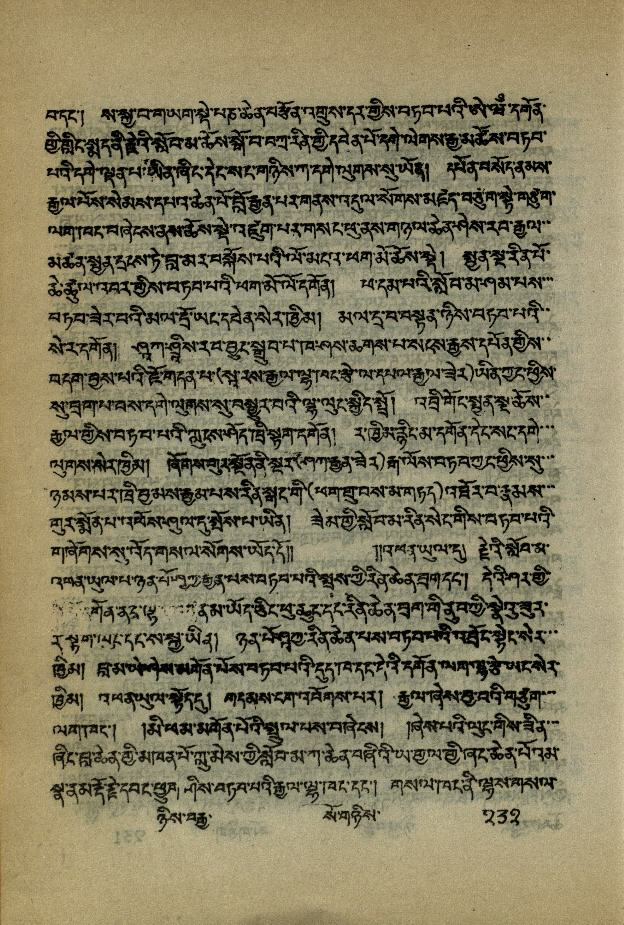བ་དང་། ས་སྐྱ་བ་གཡག་སྡེ་པཎ་ཆེན་བརྩོན་འགྲུས་དར་གྱིས་བཏབ་པའི་ཨེ་ཝཾ་དགོན་
གྱི་གླིང་སྨད་ནི་རྗེའི་སློབ་མ་ཆོས་སྒོ་བ་བཀྲ་རིན་གྱི་དབེན་པོ་དགེ་ལེགས་རྒྱ་མཚོས་བཏབ་
པའི་དགེ་ལྡན་པ་ཡིན་ཞིང་དེང་སང་གཉིས་ཀ་དགེ་ལུགས་སུ་ཡོན། དཔོན་བསོད་ནམས་
རྒྱལ་པོས་སེམས་དཔའ་ཆེན་པོ་བློ་རྒྱན་པར་གནས་འདུལ་སོགས་མཛད་བཙུག་སྟེ་གཙུག་
ལག་ཁང་བཞེངས་ནས་ཆོས་སྡེ་འཛུག་པར་གསང་ཕུ་ནས་གཉལ་ཆེན་ཤེས་རབ་རྒྱལ་
མཚན་སྤྱན་དྲངས་ཏེ་བླ་མར་བསྐོས་པའི་ལོ་མངའ་ཕག་མོ་ཆོས་སྡེ། སྤྱན་སྔ་རིན་པོ་
ཆེ་ཚུལ་འབར་གྱིས་བཏབ་པའི་ཕག་མོ་ལོ་དགོན། ཕ་དམ་པའི་སློབ་མ་ཤམ་པས་
བཏབ་ཟེར་བའི་མལ་དྲོ་ཡང་དབེན་སེར་ཁྱིམ། མལ་དྲ་བ་བསྟན་ཉིས་བཏབ་པའི་
སེ་ར་དགོན། ཤཱཀ་ཤྲཱིས་རབ་བྱུང་སྒྲུབ་པ་ཁ་ཤས་ཆགས་པ་སངས་རྒྱས་དཔོན་གྱིས་
བདག་བྱས་པའི་ཇོ་གདན་པ་སཱ་རས་རྒྱལ་ལྷ་ཁང་རྩེ་ལ་དཔལ་རྒྱལ་ཟེར་ཡིན་ཀྱང་ཕྱིས་
སུ་བྲག་པ་བས་དགེ་ལུགས་སུ་བསྒྱུར་བའི་ལྷ་ལུང་སྐྱིད་སྤྲོ། འབྲི་གོང་སྤྱན་སྔ་ཆོས་
རྒྱལ་གྱིས་བཏབ་པའི་ཀླུངས་ཤོད་ཁྲི་སྟག་དགོན། ར་ཁྱིམ་རྙིང་མ་དགོན་དེང་སང་དགེ་
ལུགས་སེར་ཁྱིམ། ཞོགས་གུར་སྔོན་ནི་སྔར་ཤཀ་རྒྱན་ཟེར་རྒ་ལོས་བཏབ་ཀྱང་ཕྱིས་སུ་
ཉམས་པར་ཁྲི་བྱམས་རྒྱམ་པས་རིན་སྒང་གི་ཕག་གྲུ་བས་མ་གཏད་འཐོར་བ་རྣམས་
གུར་སྨོན་པ་འཕོས་ཤུལ་དུ་སྤོས་པ་ཡིན། ཟེམ་གྱི་སློབ་མ་རིན་སེང་གིས་བཏབ་པའི་
གཞོགས་སུ་འོད་གསལ་སོགས་ཡོད་དོ།། །།འཕན་ཡུལ་དུ། རྗེའི་སློབ་མ་
འགན་ཡུལ་པ་ཉན་པོ་ཤཱཀྱ་རྒྱན་པས་བཏབ་པའི་སྤྲས་ཀྱི་རིན་ཆེན་བྲག་དང་། དེའི་ཤར་གྱི་
?་དགོན་ནང་ལྟ་?་ན་མ་ཡོད་ཅིང་ཕུ་ཆུང་དང་རིན་ཆེན་བྲག་གི་ནུབ་ཀྱི་སྣེའུ་ཟུར་
ར་སྟག་ལུང་དང་ས་སྐྱ་ཡིན། ཉན་པོ་ཤཱཀྱ་རིན་ཆེན་པས་བཏབ་པའི་འབྲོང་སྟེང་སེར་
ཁྱིམ། བླ་མ་ཡེ་ཤེས་མགོན་པོས་བཏབ་པའི་དུད་ཁ་དང་དེའི་དགོན་ལག་ལྷ་རྩེ་ཡང་སེར་
ཁྱིམ། འཕན་ཡུལ་སྟོད་དུ། གདམས་ངག་འབོགས་པར། རྒྱལ་ཞེས་བྱ་བའི་གཙུག་
ལག་ཁང་། །མི་ཕམ་མགོན་པོའི་སྤྲུལ་པས་བཞེངས། །ཞེས་པའི་ལུང་གིས་ཟིན་
ཞིང་བླ་ཆེན་གྱི་མཁན་པོ་ཀླུ་མེས་ཀྱི་སློབ་མ་ཀ་ཆེན་བཞིའི་ཡ་གྱལ་གྱི་ཞང་ཆེན་པོའམ་
སྣ་ནམ་རྡོ་རྗེ་དབང་ཕྱུག་ཤིས་བཏབ་པའི་རྒྱལ་ལྷ་ཁང་དང་། གསལ་ཁང་ནི་ལྷ་ས་གསལ་